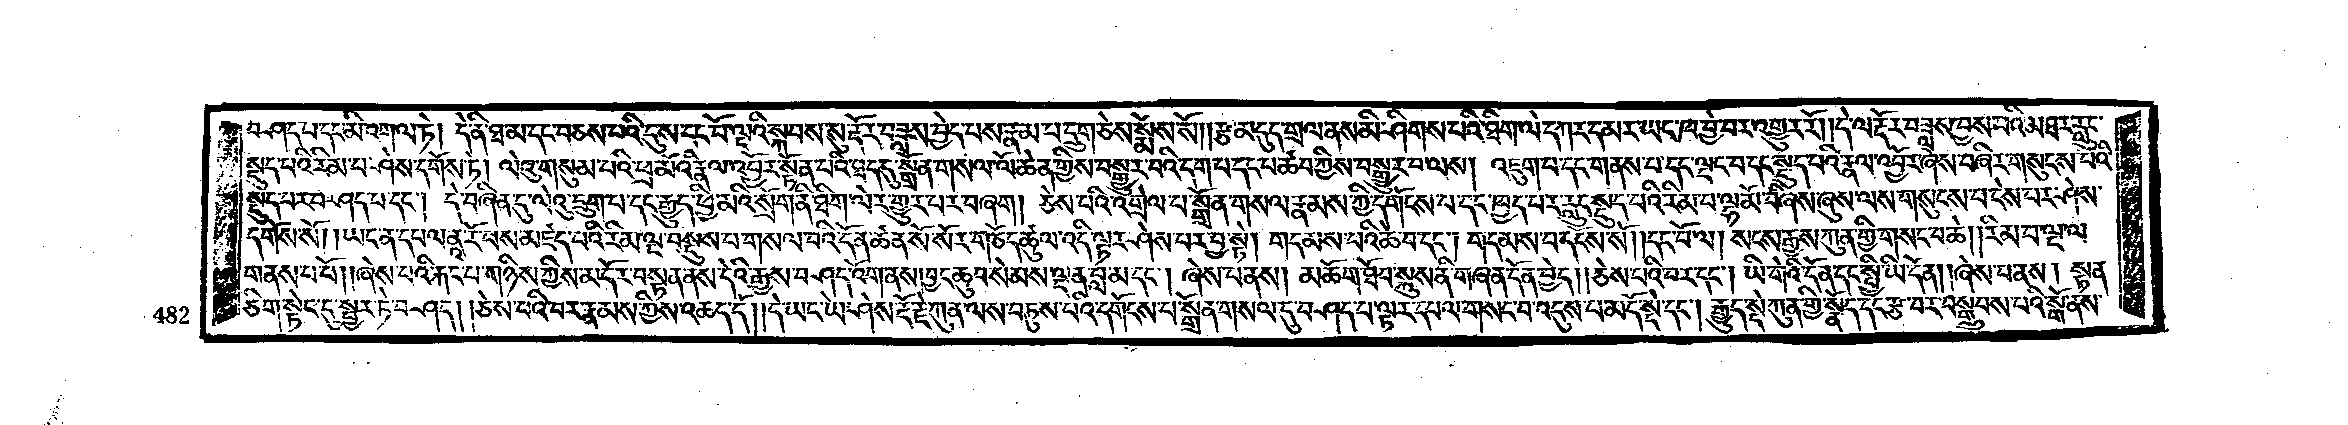བཤད་པ་དང་མི་འགལ་ཏེ། དེ་ནི་ཐ་མ་དང་བཅས་པའི་དུས་དང་པོ་ལྔའི་སྐབས་སུ་རྡོར་བཟླས་བྱེད་པས་རྣམ་པ་དྲུག་ཅེས་སྨོས་སོ། །རྩ་མདུད་གྲལ་ནས་མི་ཤིགས་པའི་ཐིག་ལེ་དཀར་དམར་ཡང་ཁ་བྱེ་བར་འགྱུར་རོ། །དེ་ལ་རྡོར་བཟླས་བྱས་པའི་མཐར་རླུང་
སྡུད་པའི་རིམ་པ་ཤེས་དགོས་ཏེ། ལེའུ་གསུམ་པའི་ཕྲ་མོའི་རྣལ་འབྱོར་སྟོན་པའི་ཐད་དུ་སྒྲོན་གསལ་ལོ་ཆེན་གྱིས་བསྒྱུར་བའི་དག་པ་དང་པ་ཚབ་ཀྱིས་བསྒྱུར་བ་ལས། འཇུག་པ་དང་གནས་པ་དང་ལྡང་བ་དང་སྡུད་པའི་རྣལ་འབྱོར་ཞེས་བཞིར་གསུངས་པའི་
སྡུད་པར་བཤད་པ་དང་། དེ་བཞིན་དུ་ལེའུ་དྲུག་པ་དང་རྒྱུད་ཕྱི་མའི་སྲོག་ནི་ཐིག་ལེར་གྱུར་པར་བཞག །ཅེས་པའི་འགྲེལ་པ་སྒྲོན་གསལ་རྣམས་ཀྱི་དགོངས་པ་དང་ཁྱད་པར་རླུང་སྡུད་པའི་རིམ་པ་ལྷ་མོ་བཞིས་ཞུས་ལས་གསུངས་པ་ངེས་པར་ཤེས་
དགོས་སོ། །ཡང་ན་དཔལ་ནཱ་རོ་པས་མཛད་པའི་རིམ་ལྔ་བསྡུས་པ་གསལ་བའི་དོན་ཚན་སོ་སོར་གཅོད་ཚུལ་འདི་ལྟར་ཤེས་པར་བྱ་སྟེ། གདམས་པའི་ཆེ་བ་དང་། གདམས་པ་དངོས་སོ། །དང་པོ་ལ། སངས་རྒྱས་ཀུན་གྱི་གསང་བ་ཆེ། །རིམ་པ་ལྔ་ལ་
གནས་པ་པོ། །ཞེས་པའི་རྐང་པ་གཉིས་ཀྱིས་མདོར་བསྟན་ནས་དེའི་རྒྱས་བཤད་འོག་ནས། བྱང་ཆུབ་སེམས་ལྡན་བླ་མ་དང་། ཞེས་པ་ནས། མཆོག་ཐོབ་སྐུས་ནི་གཞན་དོན་བྱེད། །ཅེས་པའི་བར་དང་། ཡི་གེའི་དོན་དང་སྤྱི་ཡི་དོན། །ཞེས་པ་ནས། སྟན་
ཅིག་སྟེང་དུ་སྦྱར་ཏེ་བཤད། །ཅེས་པའི་བར་རྣམས་ཀྱིས་འཆད་དོ། །དེ་ཡང་ཡེ་ཤེས་རྡོ་རྗེ་ཀུན་ལས་བཏུས་པའི་དགོངས་པ་སྒྲོན་གསལ་དུ་བཤད་པ་ལྟར་དཔལ་གསང་བ་འདུས་པ་མདོ་སྡེ་དང་། རྒྱུད་སྡེ་ཀུན་གྱི་སྣོད་དང་རྩ་བར་བསྒྲུབས་པའི་སྒོ་ནས་